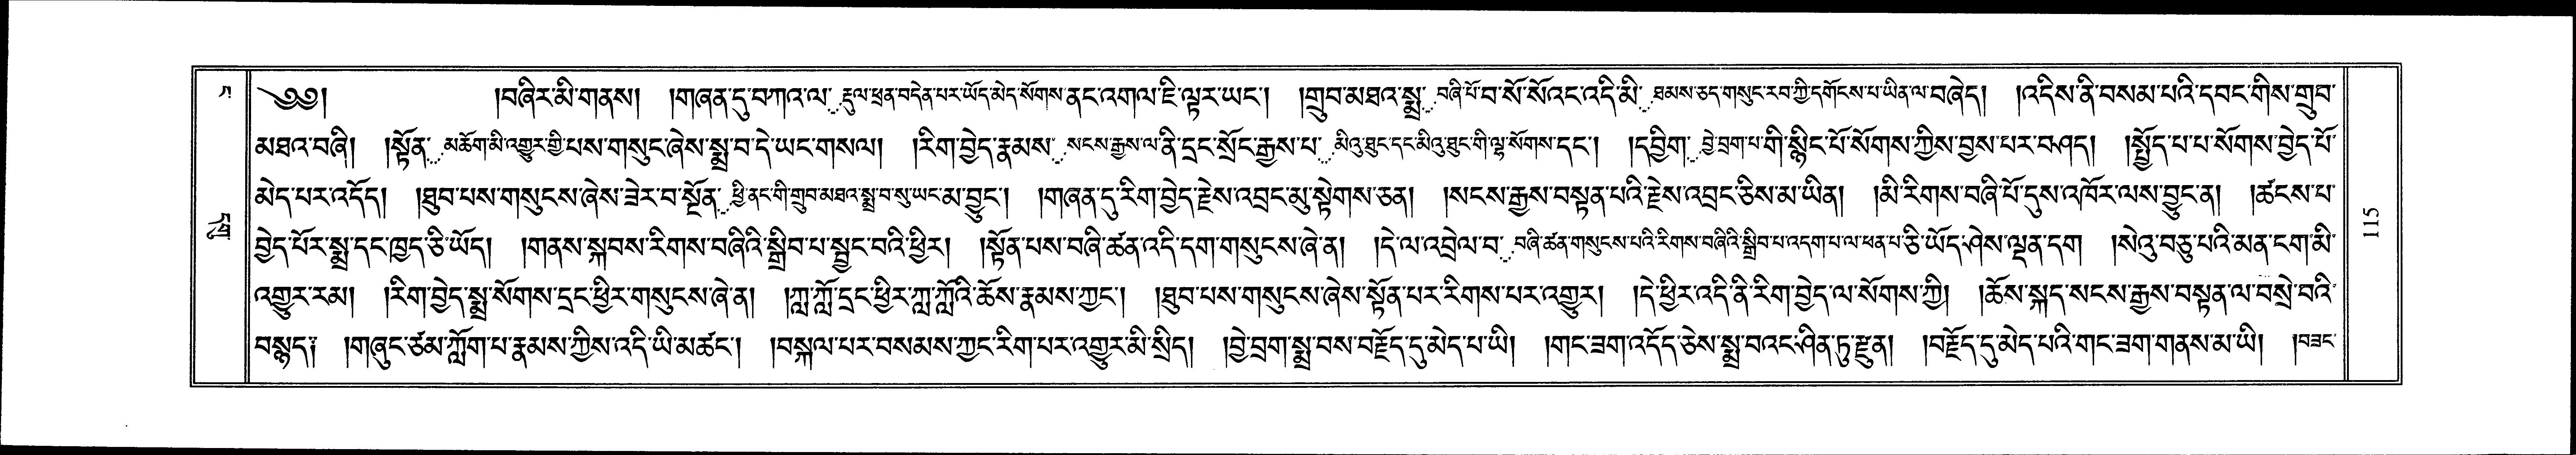༄༅། །བཞིར་མི་གནས། །གཞན་དུ་བཀའ་ལ་རྡུལ་ཕྲན་བདེན་པར་ཡོད་མེད་སོགས་ནང་འགལ་ཇི་ལྟར་ཡང་། །གྲུབ་མཐའ་སྨྲ་བཞི་པོ་བ་སོ་སོའང་འདི་མི་ཐམས་ཅད་གསུང་རབ་ཀྱི་དགོངས་པ་ཡིན་ལ་བཞེད། །འདིས་ནི་བསམ་པའི་དབང་གིས་གྲུབ་
མཐའ་བཞི། །སྟོན་མཆོག་མི་འགྱུར་གྱི་པས་གསུང་ཞེས་སྨྲ་བ་དེ་ཡང་གསལ། །རིག་བྱེད་རྣམས་སངས་རྒྱས་ལ་ནི་དྲང་སྲོང་རྒྱས་པ་མིའུ་ཐུང་དང་མིའུ་ཐུང་གི་ལྷ་སོགས་དང་། །དབྱིག་བྱེ་བྲག་པ་གི་སྙིང་པོ་སོགས་ཀྱིས་བྱས་པར་བཤད། །སྤྱོད་པ་པ་སོགས་བྱེད་པོ་
མེད་པར་འདོད། །ཐུབ་པས་གསུངས་ཞེས་ཟེར་བ་སྔོན་ཕྱི་ནང་གི་གྲུབ་མཐའ་སྨྲ་བ་སུ་ཡང་མ་བྱུང་། །གཞན་དུ་རིག་བྱེད་རྗེས་འབྲང་མུ་སྟེགས་ཅན། །སངས་རྒྱས་བསྟན་པའི་རྗེས་འབྲང་ཅིས་མ་ཡིན། །མི་རིགས་བཞི་པོ་དུས་འཁོར་ལས་བྱུང་ན། །ཚངས་པ་
བྱེད་པོར་སྨྲ་དང་ཁྱད་ཅི་ཡོད། །གནས་སྐབས་རིགས་བཞིའི་སྒྲིབ་པ་སྦྱང་བའི་ཕྱིར། །སྟོན་པས་བཞི་ཚན་འདི་དག་གསུངས་ཞེ་ན། །དེ་ལ་འབྲེལ་བ་བཞི་ཚན་གསུངས་པའི་རིགས་བཞིའི་སྒྲིབ་པ་འདག་པ་ལ་ཕན་པ་ཅི་ཡོད་ཤེས་ལྡན་དག །སེའུ་བཅུ་པའི་མན་ངག་མི་
འགྱུར་རམ། །རིག་བྱེད་སྨྲ་སོགས་དྲང་ཕྱིར་གསུངས་ཞེ་ན། །ཀླ་ཀློ་དྲང་ཕྱིར་ཀླ་ཀློའི་ཆོས་རྣམས་ཀྱང་། །ཐུབ་པས་གསུངས་ཞེས་སྟོན་པར་རིགས་པར་འགྱུར། །དེ་ཕྱིར་འདི་ནི་རིག་བྱེད་ལ་སོགས་ཀྱི། །ཆོས་སྐད་སངས་རྒྱས་བསྟན་ལ་བསྲེ་བའི་
བསྙད། །གཞུང་ཙམ་ཀློག་པ་རྣམས་ཀྱིས་འདི་ཡི་མཚང་། །བསྐལ་པར་བསམས་ཀྱང་རིག་པར་འགྱུར་མི་སྲིད། །བྱེ་བྲག་སྨྲ་བས་བརྗོད་དུ་མེད་པ་ཡི། །གང་ཟག་འདོད་ཅེས་སྨྲ་བའང་ཤིན་ཏུ་རྫུན། །བརྗོད་དུ་མེད་པའི་གང་ཟག་གནས་མ་ཡི། །བཟང་